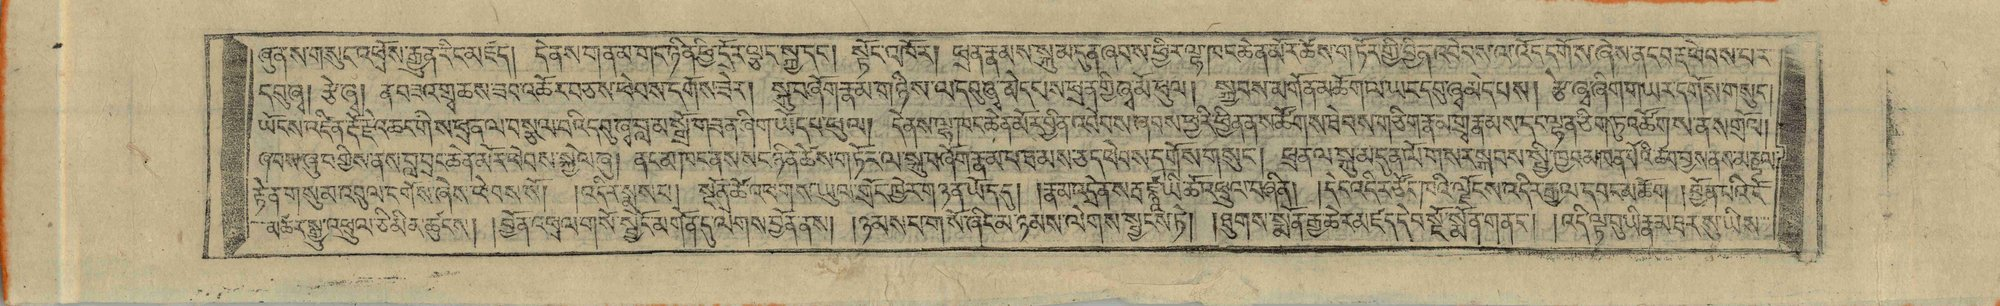ཞུ་ནས་གསུང་འཕྲོས་རྒྱུན་རིང་མཛད། དེ་ནས་གནམ་གང་ཉིད་ཕྱི་དྲོར་ལྕང་སྐྱ་དང་། སྟོང་འཁོར། ཕྲན་རྣམས་སྐུ་མདུན་ཞབས་ཕྱིར་ལྷ་ཁང་ཆེན་མོར་ཚེས་གཏོར་གྱི་བྱིན་འབེབས་ལ་འོད་དགོས་ཞེས་ནང་བརྡ་ཕེབས་པར་
དབུ་ཞྭ། རྩེ་ཞྭ། ན་བཟའ་གྲྭ་ཆས་ཟབ་འཆོར་བཅས་ཕེབས་དགོས་ཟེར། སྐུ་བཞོག་རྣམ་གཉིས་ལ་དབུ་ཞྭ་མེད་པས་ཕྲན་གྱི་ཞྭ་མོ་ཕུལ། སྐྱབས་མགོན་མཆོག་ལ་ཡང་དབུ་ཞྭ་མེད་པས། རྩེ་ཞྭ་ཞིག་གཡར་དགོས་གསུང་།
ཡོངས་འཛིན་རྡོ་རྗེ་འཆང་གིས་ཕྲན་ལ་བསྩལ་བའི་དབུ་ཞྭ་བླ་མ་སྒྲོ་གཟན་ཞིག་ཡོད་པ་ཕུལ། དེ་ནས་ལྷ་ཁང་ཆེན་མོར་བྱིན་འབེབས་ཞབས་ཕྱིར་ཕྱིན་ནས་ཚོགས་ཐེབས་གཅིག་རྣམ་གྲྭ་རྣམས་དང་ལྷན་ཅིག་ཏུ་འཚོགས་ནས་གྲོལ།
ཞབས་ཞུ་བགྱིས་ནས་བླ་བྲང་ཆེན་མོར་ཕེབས་སྐྱེལ་ཞུ། ནང་མ་ཁང་ནས་སང་ཉིན་ཚེས་གཏོར་ལ་སྐུ་བཞོག་རྣམ་པ་ཐམས་ཅད་ཕེབས་དགོས་གསུང་། ཕྲན་ལ་སྐུ་མདུན་ལོ་གསར་སྐབས་སྤྱི་ཁྱབ་མཁན་པོའི་ཚབ་བྱས་ནས་མཎྜལ་
རྟེན་གསུམ་འབུལ་དགོས་ཞེས་ཕེབས་སོ། །འདིར་སྨྲས་པ། སྔོན་ཚེ་འཕགས་ཡུལ་གྲོང་ཁྱེར་གཉན་ཡོད་དུ། །རྣམ་འདྲེན་སརྦ་ཛྙཱ་ཡི་ཆོ་འཕྲུལ་བཞིན། །དེང་འདིར་ཙོང་ཁའི་ལྗོངས་འདིར་རྒྱལ་དབང་མཆོག །བྱོན་པའི་ངོ་
མཚར་སྒྱུ་འཕྲུལ་ཅི་མི་མཚུངས། །བྱོན་འཕྲལ་གསོ་སྦྱོང་མགོན་དུ་ལེགས་བྱོན་ནས། །ཉམས་པ་གསོ་ཞིང་མ་ཉམས་ལེགས་སྦྱངས་ཏེ། །ཐུགས་སྨོན་རྒྱ་ཆེར་མཛད་དེ་བ་སྔོ་སྨོན་གནང་། །འདི་ལྟ་བུ་ཡི་རྣམ་ཐར་སུ་ཡིས་